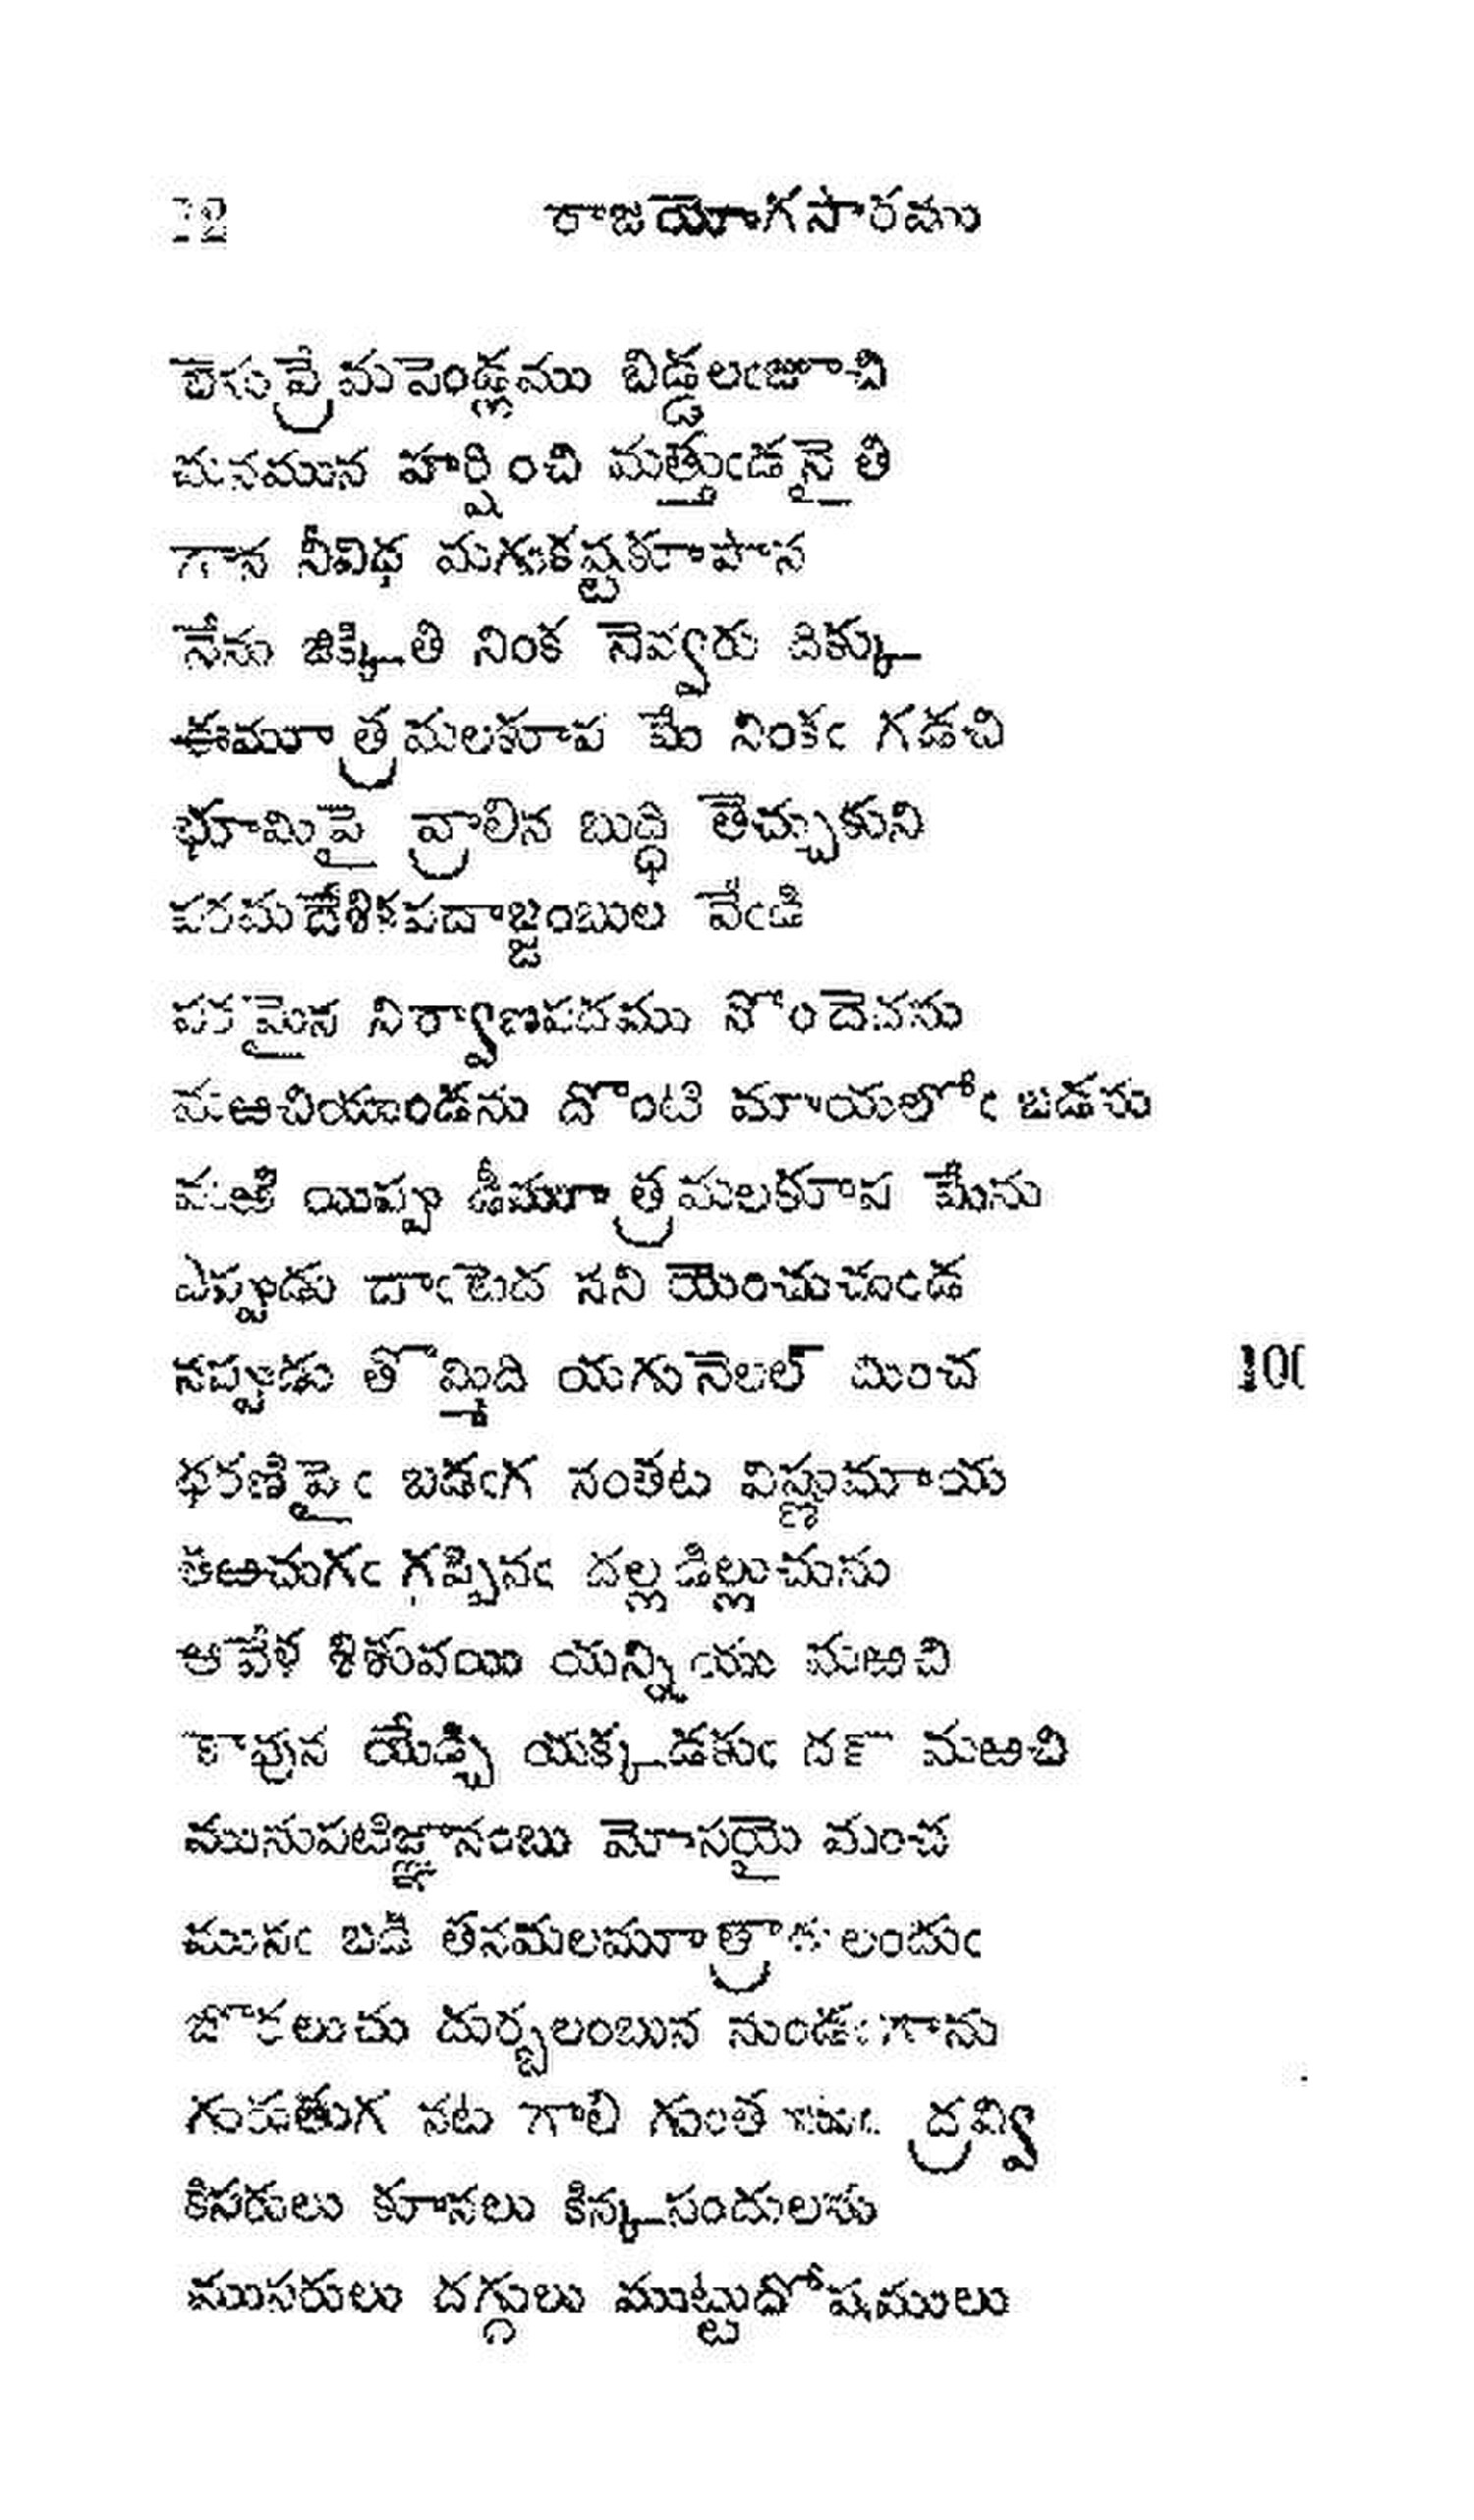బెనుప్రేమ పెండ్లము బిడ్డలఁజూచి
మనమున హర్షించి మత్తుఁడనైతి
గాన నీవిధ మగుకష్టకూపాన
నేను జిక్కితి నింక నెవ్వరు దిక్కు
ఈమూత్రమలకూప మే నింకఁ గడచి
భూమిపై వ్రాలిన బుద్ధి తెచ్చుకుని
పరమదేశికపదాబ్జంబుల వేఁడి
పరమైన నిర్వాణపదము నొందెదను
మఱచియుండను దొంటి మాయలోఁ బడను
మఱి యిప్పు డీమూత్రమలకూప మేను
ఎప్పుడు దాఁటెద నని యెంచుచుండ
నప్పుడు తొమ్మిది యగునెలల్ మించ
ధరణిపైఁ బడఁగ నంతట విష్ణుమాయ
తఱచుగఁ గప్పినఁ దల్లడిల్లుచును
ఆవేళ శిశువయి యన్నియు మఱచి
కావున యేడ్చి యక్కడకుఁ దన్ మఱచి
మునుపటిజ్ఞానంబు మోసయై మంచ
మునఁ బడి తనమలమూత్రాదులందుఁ
బొరలుచు దుర్బలంబున నుండఁగాను
గురుతుగ నట గాలి గుంతయుఁ ద్రవ్వి
కిసరులు కూనలు కిన్కసందులను
ముసరులు దగ్గులు ముట్టుదోషములు